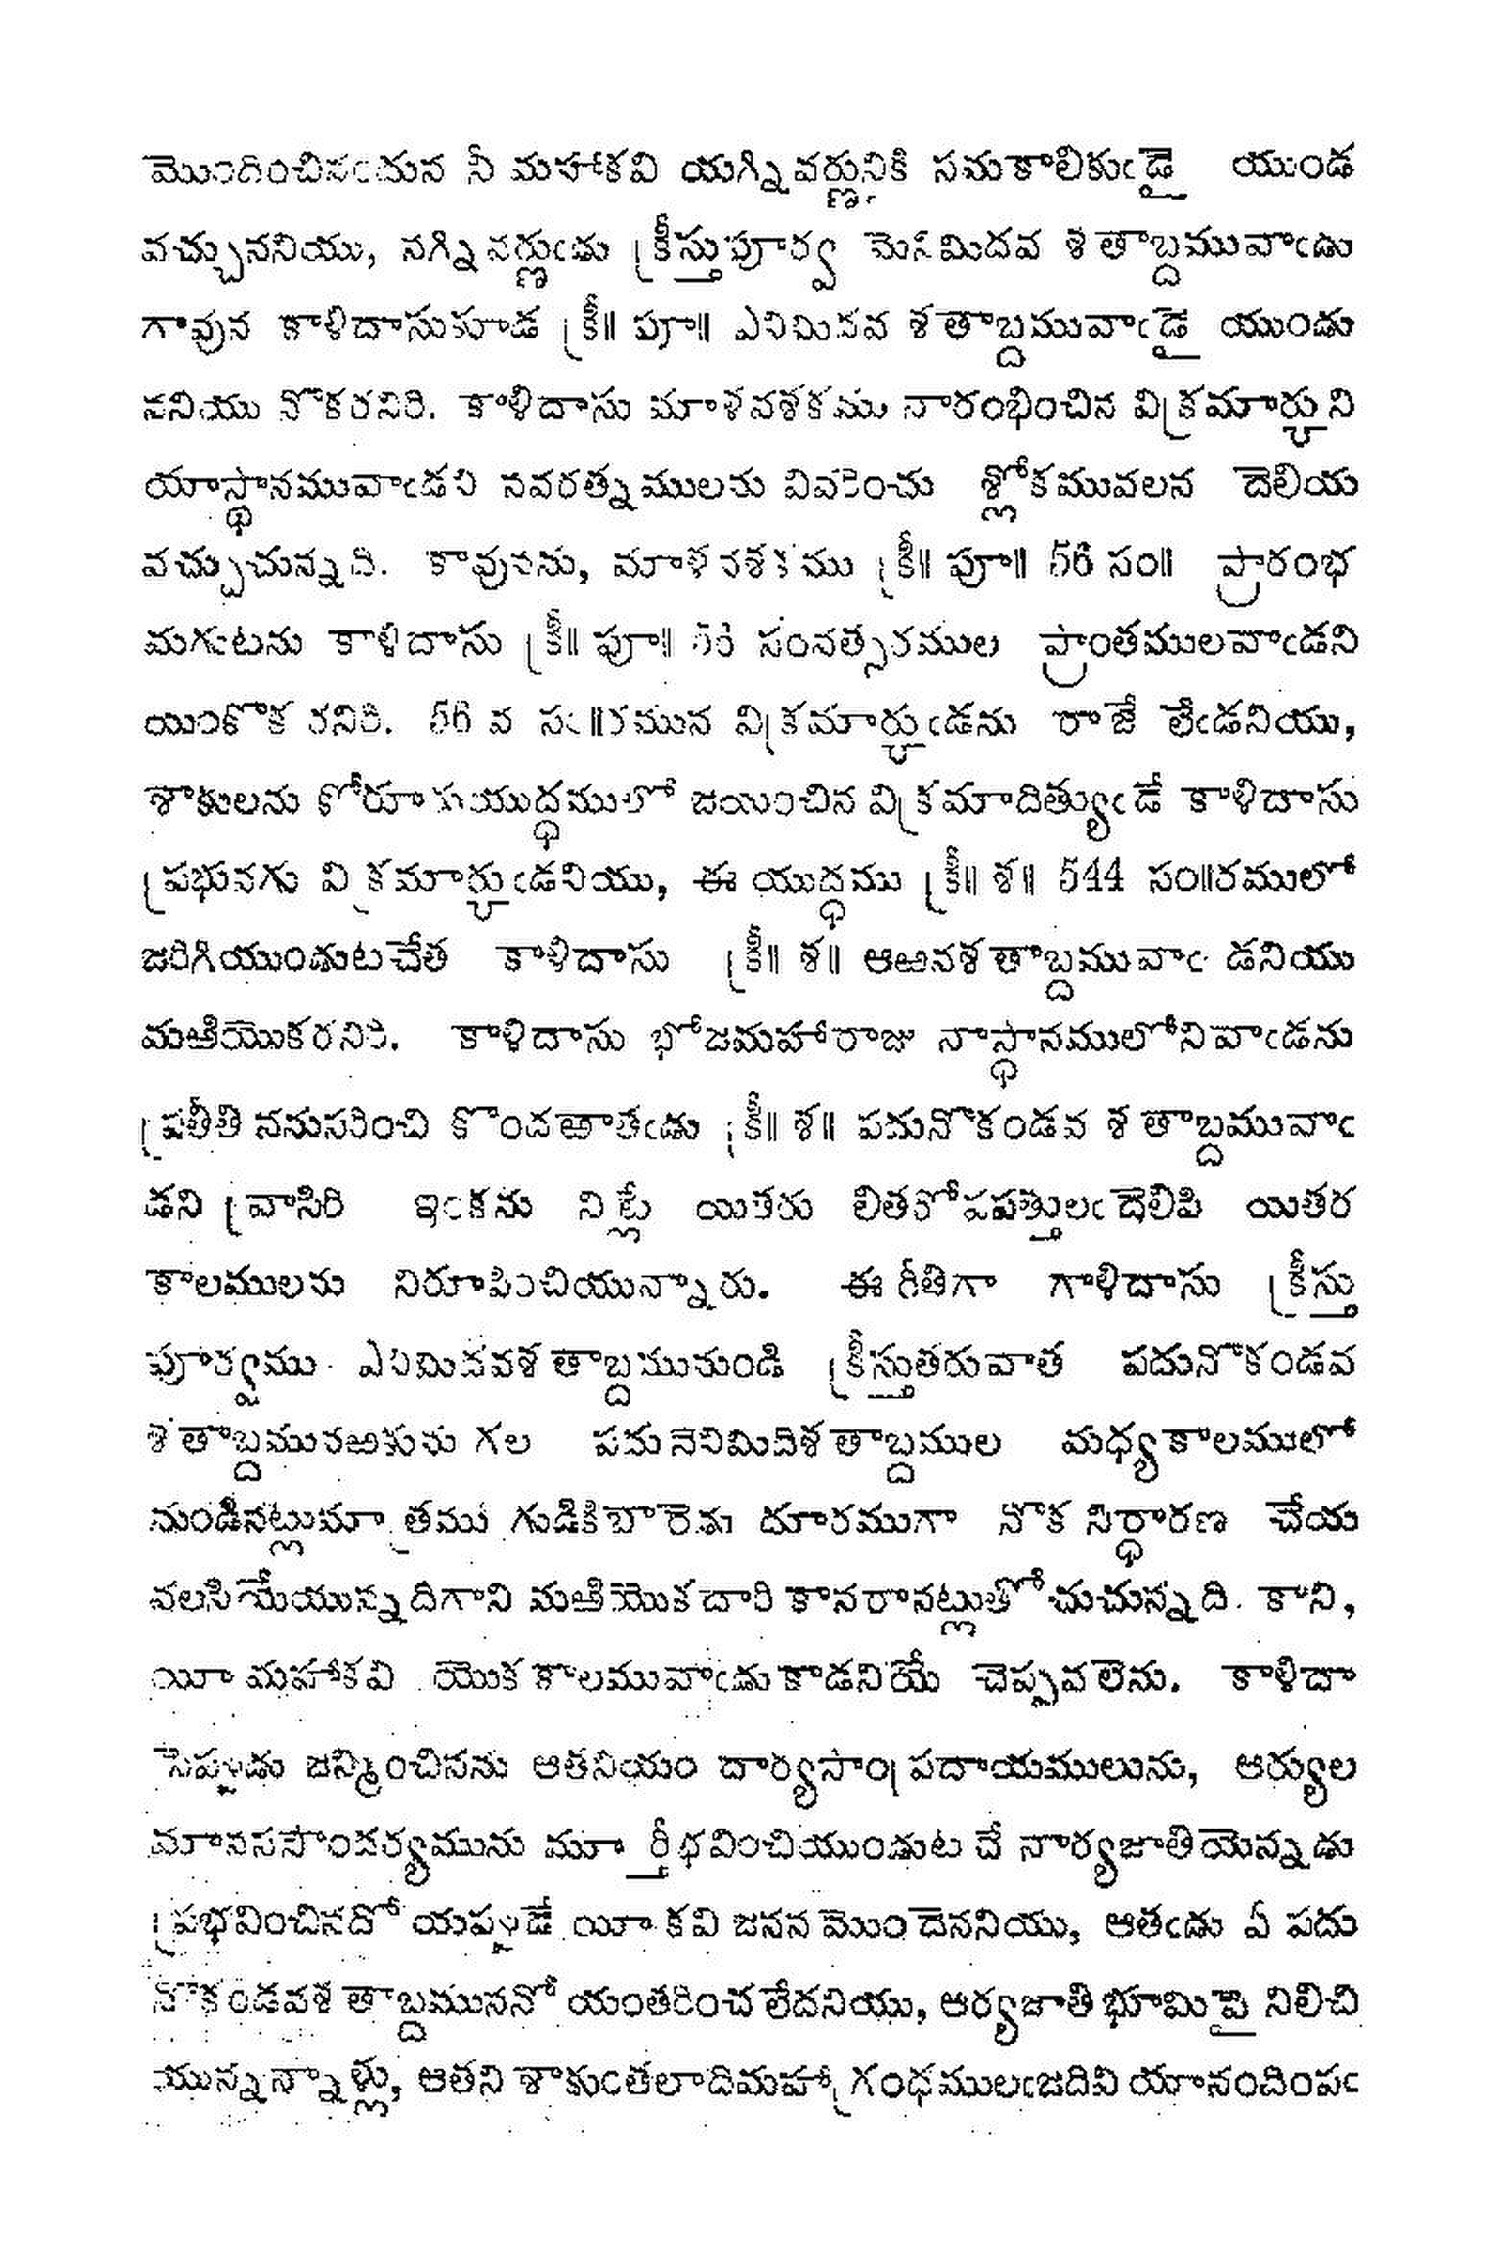మొదించినందున నీ మహాకవి యగ్నివర్ణునికి సమకాలికుఁడై యుండవచ్చుననియు, నగ్నివర్ణుఁడు క్రీస్తుపూర్వ యెనిమిదవ శతాబ్దమువాఁడు గావున కాళిదాసుకూడ క్రీII పూII ఎనిమిదవ శతాబ్దమువాఁడై యుండుననియు నొకరనిరి. కాళిదాసు మాళవశకము నారంభించిన విక్రమార్కుని యాస్థానమువాఁడని నవరత్నములను వివరించు శ్లోకమువలన దెలియవచ్చుచున్నది. కావునను, మాళవశకము క్రీII పూ 56 సంll ప్రారంభమగుటను కాళిదాసు క్రీII పూ॥ 56 సంవత్సరముల ప్రాంతములవాఁడని యింకొక రనిరి. 56 వ సం॥రమున విక్రమార్కుఁడను రాజే లేఁడనియు, శాకులను కోరూరుయుద్ధములో జయించిన విక్రమాదిత్యుఁడే కాళిదాసు ప్రభువగు విక్రమార్కుఁడనియు, ఈ యుద్ధము క్రీ|| శ 544 సం||రములో జరిగియుండుటచేత కాళిదాసు క్రీ॥ శ॥ ఆఱవశతాబ్దమువాఁ డనియు మఱియొకరనిరి. కాళిదాసు భోజమహారాజు నాస్థానములోనివాఁడను ప్రతీతి ననుసరించి కొందఱాతఁడు క్రీ|| శ ॥ పదునొకండవ శతాబ్దమువాఁడని వ్రాసిరి ఇంకను నిట్లే యితరు లితరోపపత్తులఁ దెలిపి యితర కాలములను నిరూపించియున్నారు. ఈ రీతిగా గాళిదాసు క్రీస్తుపూర్వము ఎనిమిదవశతాబ్దమునుండి క్రీస్తుతరువాత పదునొకండవ శతాబ్దమువఱకును గల పదునెనిమిదిశతాబ్దముల మధ్యకాలములో నుండినట్లుమాత్రము గుడికిబారెడు దూరముగా నొక నిర్ధారణ చేయవలసియేయున్నదిగాని మఱియొకదారి కానరానట్లుతోచుచున్నది. కాని, యీ మహాకవి యొక కాలమువాఁడు కాడనియే చెప్పవలెను. కాళిదాసెప్పుడు జన్మించినను ఆతనియం దార్యసాంప్రదాయములును, ఆర్యుల మానససౌందర్యమును మూర్తీభవించియుండుటచే నార్యజూతియెన్నడు ప్రభవించినదో యప్పుడే యీ కవి జననమొందెననియు, ఆతఁడు ఏ పదు నొకండవశతాబ్దముననో యంతరించలేదనియు, ఆర్యజాతి భూమిపై నిలిచి యున్నన్నాళ్లు, ఆతని శాకుంతలాదిమహాగ్రంధములఁజదివి యానందింపఁ